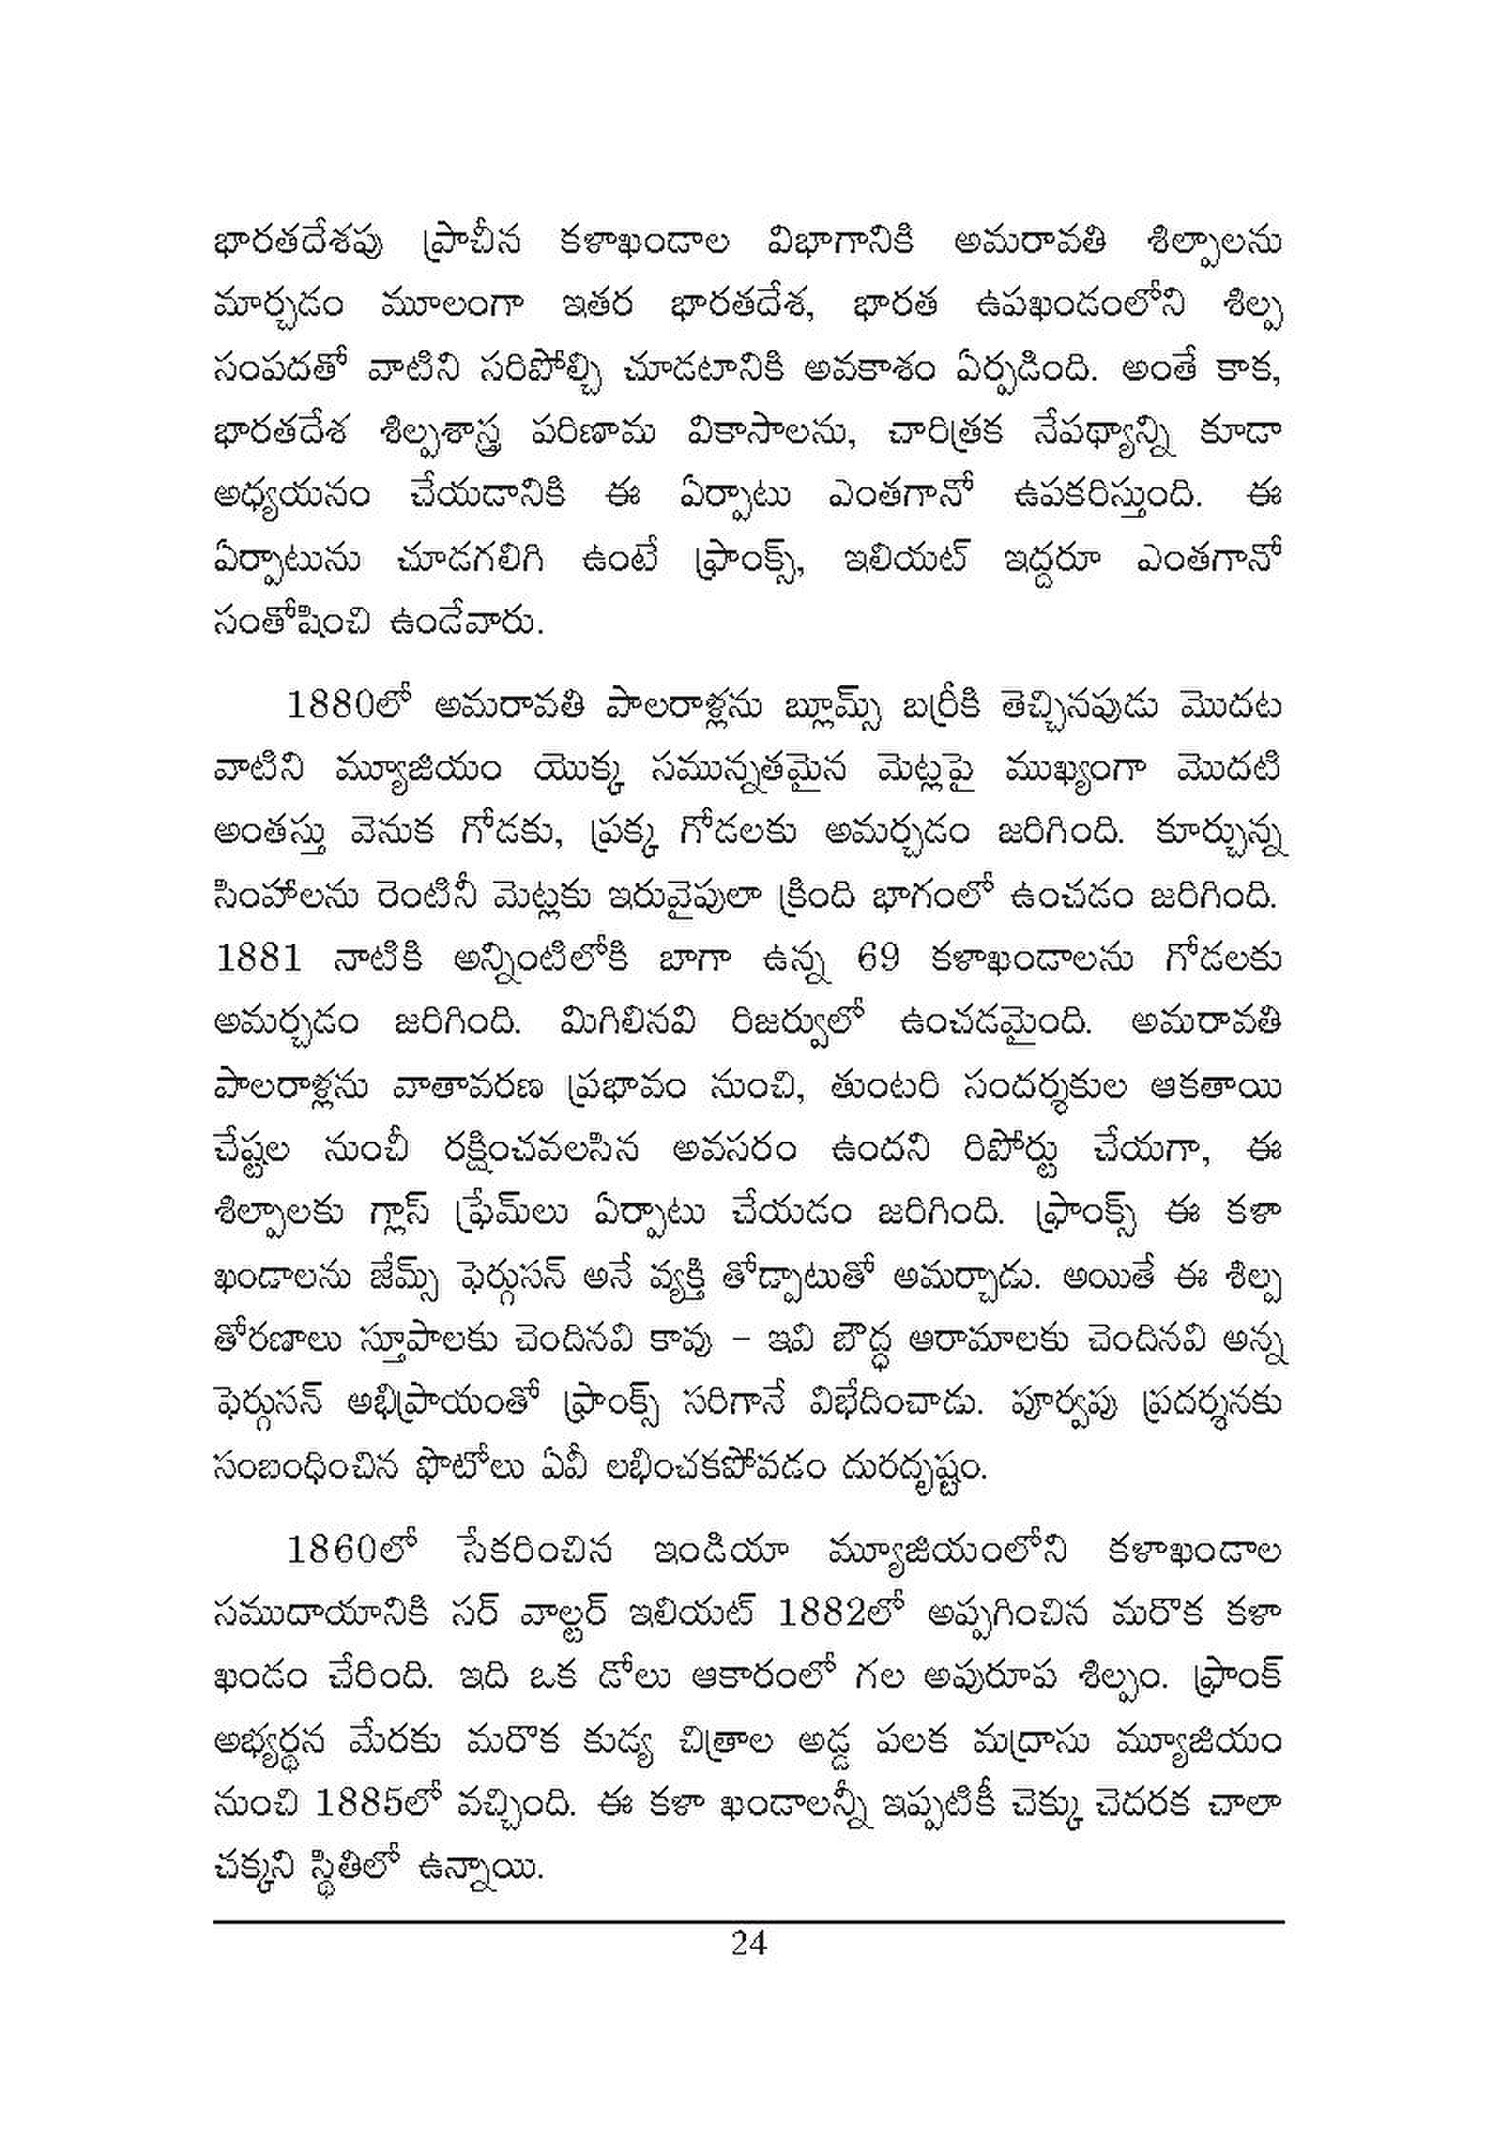భారతదేశపు ప్రాచీన కళాఖండాల విభాగానికి అమరావతి శిల్పాలను మార్చడం మూలంగా ఇతర భారతదేశ, భారత ఉపఖండంలోని శిల్ప సంపదతో వాటిని సరిపోల్చి చూడటానికి అవకాశం ఏర్పడింది. అంతే కాక, భారతదేశ శిల్పశాస్త్ర పరిణామ వికాసాలను, చారిత్రక నేపథ్యాన్ని కూడా అధ్యయనం చేయడానికి ఈ ఏర్పాటు ఎంతగానో ఉపకరిస్తుంది. ఈ ఏర్పాటును చూడగలిగి ఉంటే ఫ్రాంక్స్, ఇలియట్ ఇద్దరూ ఎంతగానో సంతోషించి ఉండేవారు.

1880లో అమరావతి పాలరాళ్లను బూమ్స్ బర్రీకి తెచ్చినపుడు మొదట వాటిని మ్యూజియం యొక్క సమున్నతమైన మెట్లపై ముఖ్యంగా మొదటి అంతస్తు వెనుక గోడకు, పక్క గోడలకు అమర్చడం జరిగింది. కూర్చున్న సింహాలను రెంటినీ మెట్లకు ఇరువైపులా క్రింది భాగంలో ఉంచడం జరిగింది. 1881 అన్నింటిలోకి బాగా ఉన్న 69 కళాఖండాలను గోడలకు అమర్చడం జరిగింది. మిగిలినవి రిజర్వులో ఉంచడమైంది. అమరావతి పాలరాళ్లను వాతావరణ ప్రభావం నుంచి, తుంటరి సందర్శకుల ఆకతాయి చేష్టల నుంచీ రక్షించవలసిన అవసరం ఉందని రిపోర్టు చేయగా, ఈ శిల్పాలకు గ్లాస్ ఫ్రేమ్లు ఏర్పాటు చేయడం జరిగింది. ఫ్రాంక్స్ ఈ కళా ఖండాలను జేమ్స్ ఫెర్గూసన్ అనే వ్యక్తి తోడ్పాటుతో అమర్చాడు. అయితే ఈ శిల్ప తోరణాలు స్తూపాలకు చెందినవి కావు - ఇవి బౌద్ధ ఆరామాలకు చెందినవి అన్న ఫెర్గుసన్ అభిప్రాయంతో ఫ్రాంక్స్ సరిగానే విభేదించాడు. పూర్వపు ప్రదర్శనకు సంబంధించిన ఫొటోలు ఏవీ లభించకపోవడం దురదృష్టకరం

1860లో సేకరించిన ఇండియా మ్యూజియంలోని కళాఖండాల సముదాయానికి సర్ వాల్టర్ ఇలియట్ 1882లో అప్పగించిన మరొక కళా ఖండం చేరింది. ఇది ఒక డోలు ఆకారంలో గల అపురూప శిల్పం. ఫ్రాంక్ అభ్యర్ధన మేరకు మరొక కుడ్య చిత్రాల అడ్డ పలక మద్రాసు మ్యూజియం నుంచి 1885లో వచ్చింది. ఈ కళా ఖండాలన్నీ ఇప్పటికీ చెక్కుచెదరక చాలా చక్కని స్థితిలో ఉన్నాయి.